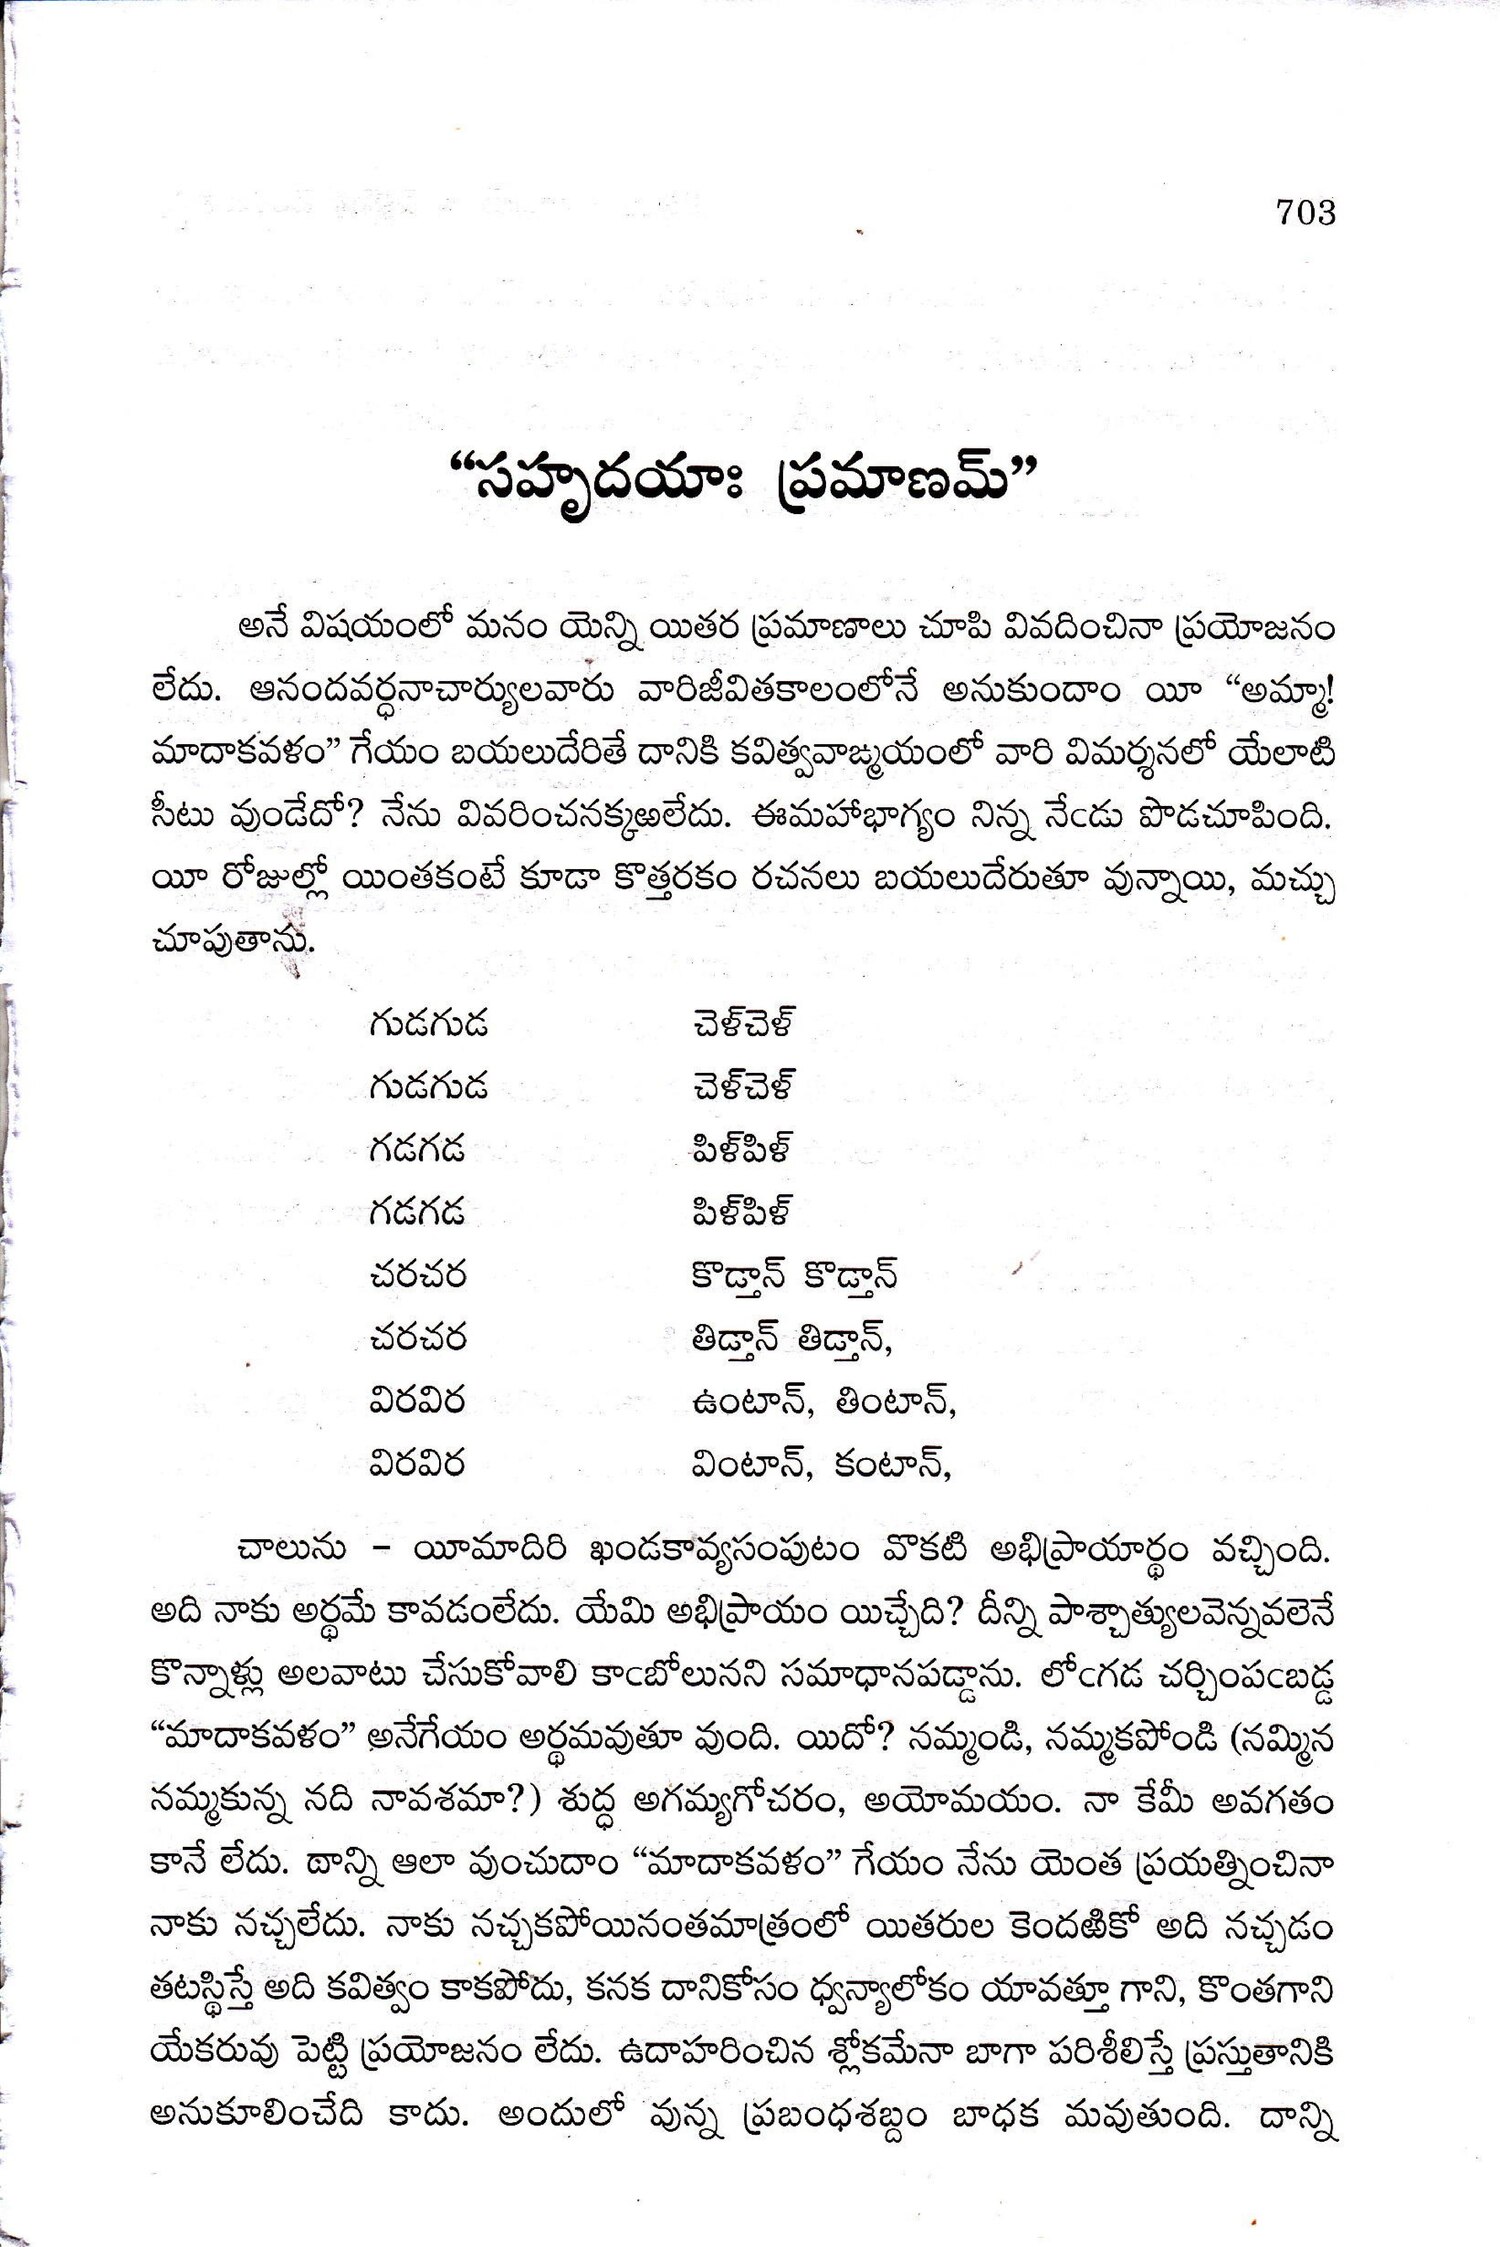“సహృదయాః ప్రమాణమ్”

అనే విషయంలో మనం యెన్ని యితర ప్రమాణాలు చూపి వివదించినా ప్రయోజనం లేదు. ఆనందవర్ధనాచార్యులవారు వారిజీవితకాలంలోనే అనుకుందాం యీ "అమ్మా! మాదాకవళం" గేయం బయలుదేరితే దానికి కవిత్వవాఙ్మయంలో వారి విమర్శనలో యేలాటి సీటు వుండేదో? నేను వివరించనక్కఱలేదు. ఈమహాభాగ్యం నిన్న నేఁడు పొడచూపింది. యీ రోజుల్లో యింతకంటే కూడా కొత్తరకం రచనలు బయలుదేరుతూ వున్నాయి, మచ్చు చూపుతాను. - -

గుడగుడ - చెళ్‌చెళ్
గుడగుడ - చెళ్‌చెళ్
గడగడ - పిళ్‌పిళ్
గడగడ - పిళ్‌పిళ్
చరచర - కొడ్తాన్ కొడ్తాన్ 
చరచర - తిడ్తాన్ తిడ్తాన్, 
విరవిర - ఉంటాన్, తింటాన్,
విరవిర - వింటాన్, కంటాన్,
చాలును - యీమాదిరి ఖండకావ్యసంపుటం నొకటి అభిప్రాయార్థం వచ్చింది. అది నాకు అర్ధమే కావడంలేదు. యేమి అభిప్రాయం యిచ్చేది? దీన్ని పాశ్చాత్యులవెన్నవలెనే కొన్నాళ్లు అలవాటు చేసుకోవాలి కాఁబోలునని సమాధానపడ్డాను. లోఁగడ చర్చింపఁబడ్డ “మాదాకవళం” అనేగేయం అర్థమవుతూ వుంది. యిదో? నమ్మండి, నమ్మకపోండి (నమ్మిన నమ్మకున్న నది నావశమూ?) శుద్ధ అగమ్యగోచరం, అయోమయం. నా కేమీ అవగతం కానే లేదు. దాన్ని ఆలా వుంచుదాం "మాదాకవళం' గేయం నేను యెంత ప్రయత్నించినా నాకు నచ్చలేదు. నాకు నచ్చకపోయినంతమాత్రంలో యితరుల కెందఱికో అది నచ్చడం తటస్థిస్తే అది కవిత్వం కాకపోదు, కనక దానికోసం ధ్వన్యాలోకం యావత్తూ గాని, కొంతగాని యేకరువు పెట్టి ప్రయోజనం లేదు. ఉదాహరించిన శ్లోకమేనా బాగా పరిశీలిస్తే ప్రస్తుతానికి అనుకూలించేది కాదు. అందులో వున్న ప్రబంధశబ్దం బాధక మవుతుంది. దాన్ని